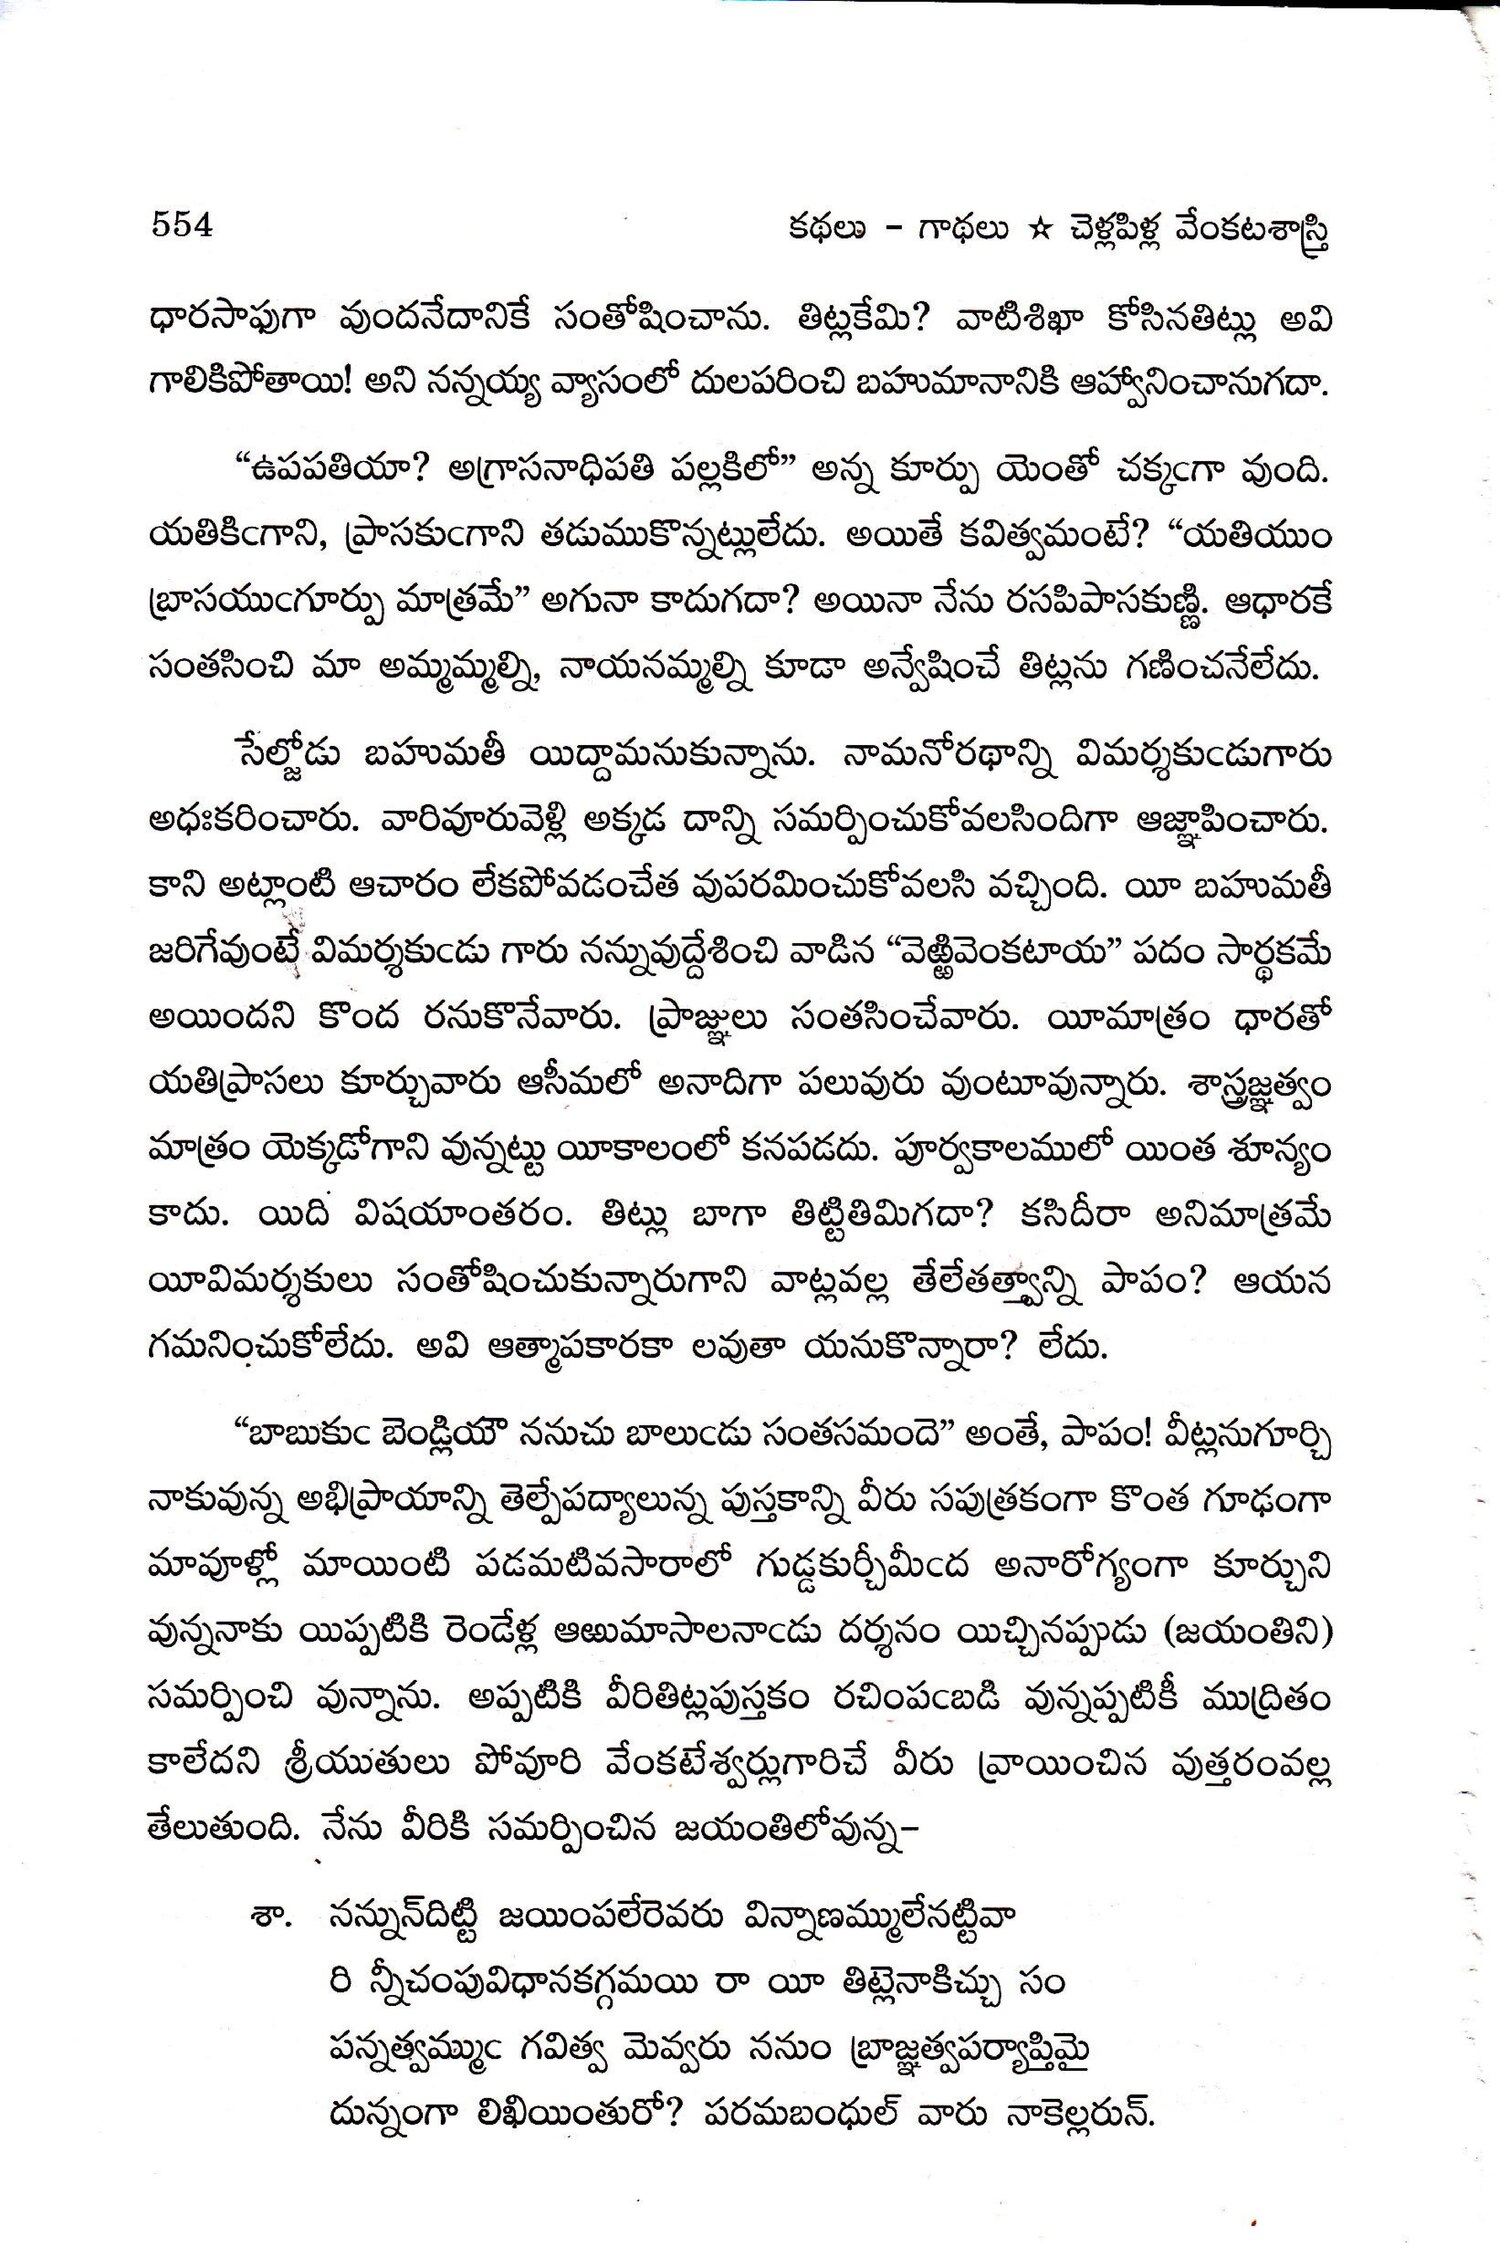ధారసాఫుగా వుందనేదానికే సంతోషించాను. తిట్లకేమి? వాటిశిఖా కోసినతిట్లు అవి గాలికిపోతాయి! అని నన్నయ్య వ్యాసంలో దులపరించి బహుమానానికి ఆహ్వానించానుగదా.

“ఉపపతియా? అగ్రాసనాధిపతి పల్లకిలో" అన్న కూర్పు యెంతో చక్కఁగా వుంది. యతికిఁగాని, ప్రాసకుఁగాని తడుముకొన్నట్లులేదు. అయితే కవిత్వమంటే? “యతియుం బ్రాసయుఁగూర్పు మాత్రమే" అగునా కాదుగదా? అయినా నేను రసపిపాసకుణ్ణి. ఆధారకే సంతసించి మా అమ్మమ్మల్ని నాయనమ్మల్ని కూడా అన్వేషించే తిట్లను గణించనేలేదు.

సేల్జోడు బహుమతీ యిద్దామనుకున్నాను. నామనోరథాన్ని విమర్శకుఁడుగారు అధఃకరించారు. వారివూరువెళ్లి అక్కడ దాన్ని సమర్పించుకోవలసిందిగా ఆజ్ఞాపించారు. కాని అట్లాంటి ఆచారం లేకపోవడంచేత వుపరమించుకోవలసి వచ్చింది. యీ బహుమతీ జరిగేవుంటే విమర్శకుఁడు గారు నన్నువుద్దేశించి వాడిన "వెఱ్ఱివెంకటాయ" పదం సార్ధకమే అయిందని కొంద రనుకొనేవారు. ప్రాజ్ఞులు సంతసించేవారు. యీమాత్రం ధారతో యతిప్రాసలు కూర్చువారు ఆసీమలో అనాదిగా పలువురు వుంటూవున్నారు. శాస్త్రజ్ఞత్వం మాత్రం యొక్కడోగాని వున్నట్టు యీకాలంలో కనపడదు. పూర్వకాలములో యింత శూన్యం కాదు. యిది విషయాంతరం. తిట్లు బాగా తిట్టితిమిగదా? కసిదీరా అనిమాత్రమే యీవిమర్శకులు సంతోషించుకున్నారుగాని వాట్లవల్ల తేలేతత్త్వాన్ని పాపం? ఆయన గమనించుకోలేదు. అవి ఆత్మాపకారకా లవుతా యనుకొన్నారా? లేదు.

“బాబుకుఁ బెండ్లియౌ ననుచు బాలుఁడు సంతసమందె" అంతే, పాపం! వీట్లనుగూర్చి నాకువున్న అభిప్రాయాన్ని తెల్పేపద్యాలున్న పుస్తకాన్ని వీరు సపుత్రకంగా కొంత గూఢంగా మావూల్లో మాయింటి పడమటివసారాలో గుడ్డకుర్చీమీఁద అనారోగ్యంగా కూర్చుని వున్ననాకు యిప్పటికి రెండేళ్ల ఆఱుమాసాలనాఁడు దర్శనం యిచ్చినప్పుడు (జయంతిని) సమర్పించి వున్నాను. అప్పటికి వీరితిట్లపుస్తకం రచింపcబడి వున్నప్పటికీ ముద్రితం కాలేదని శ్రీయుతులు పోవూరి వేంకటేశ్వర్లుగారిచే వీరు వ్రాయించిన వుత్తరంవల్ల తేలుతుంది. నేను వీరికి సమర్పించిన జయంతిలోవున్న

శా. నన్నున్‌దిట్టి జయింపలేరెవరు విన్నాణమ్ములేనట్టివా
 రి న్నీచంపువిధానకగ్గమయి రా యీ తిబ్లెనాకిచ్చు సం 
 పన్నత్వమ్ముఁ గవిత్వ మెవ్వరు ననుం బ్రాజ్ఞత్వపర్యాప్తిమై 
 దున్నంగా లిఖియింతురో? పరమబంధుల్ వారు నాకెల్లరున్.